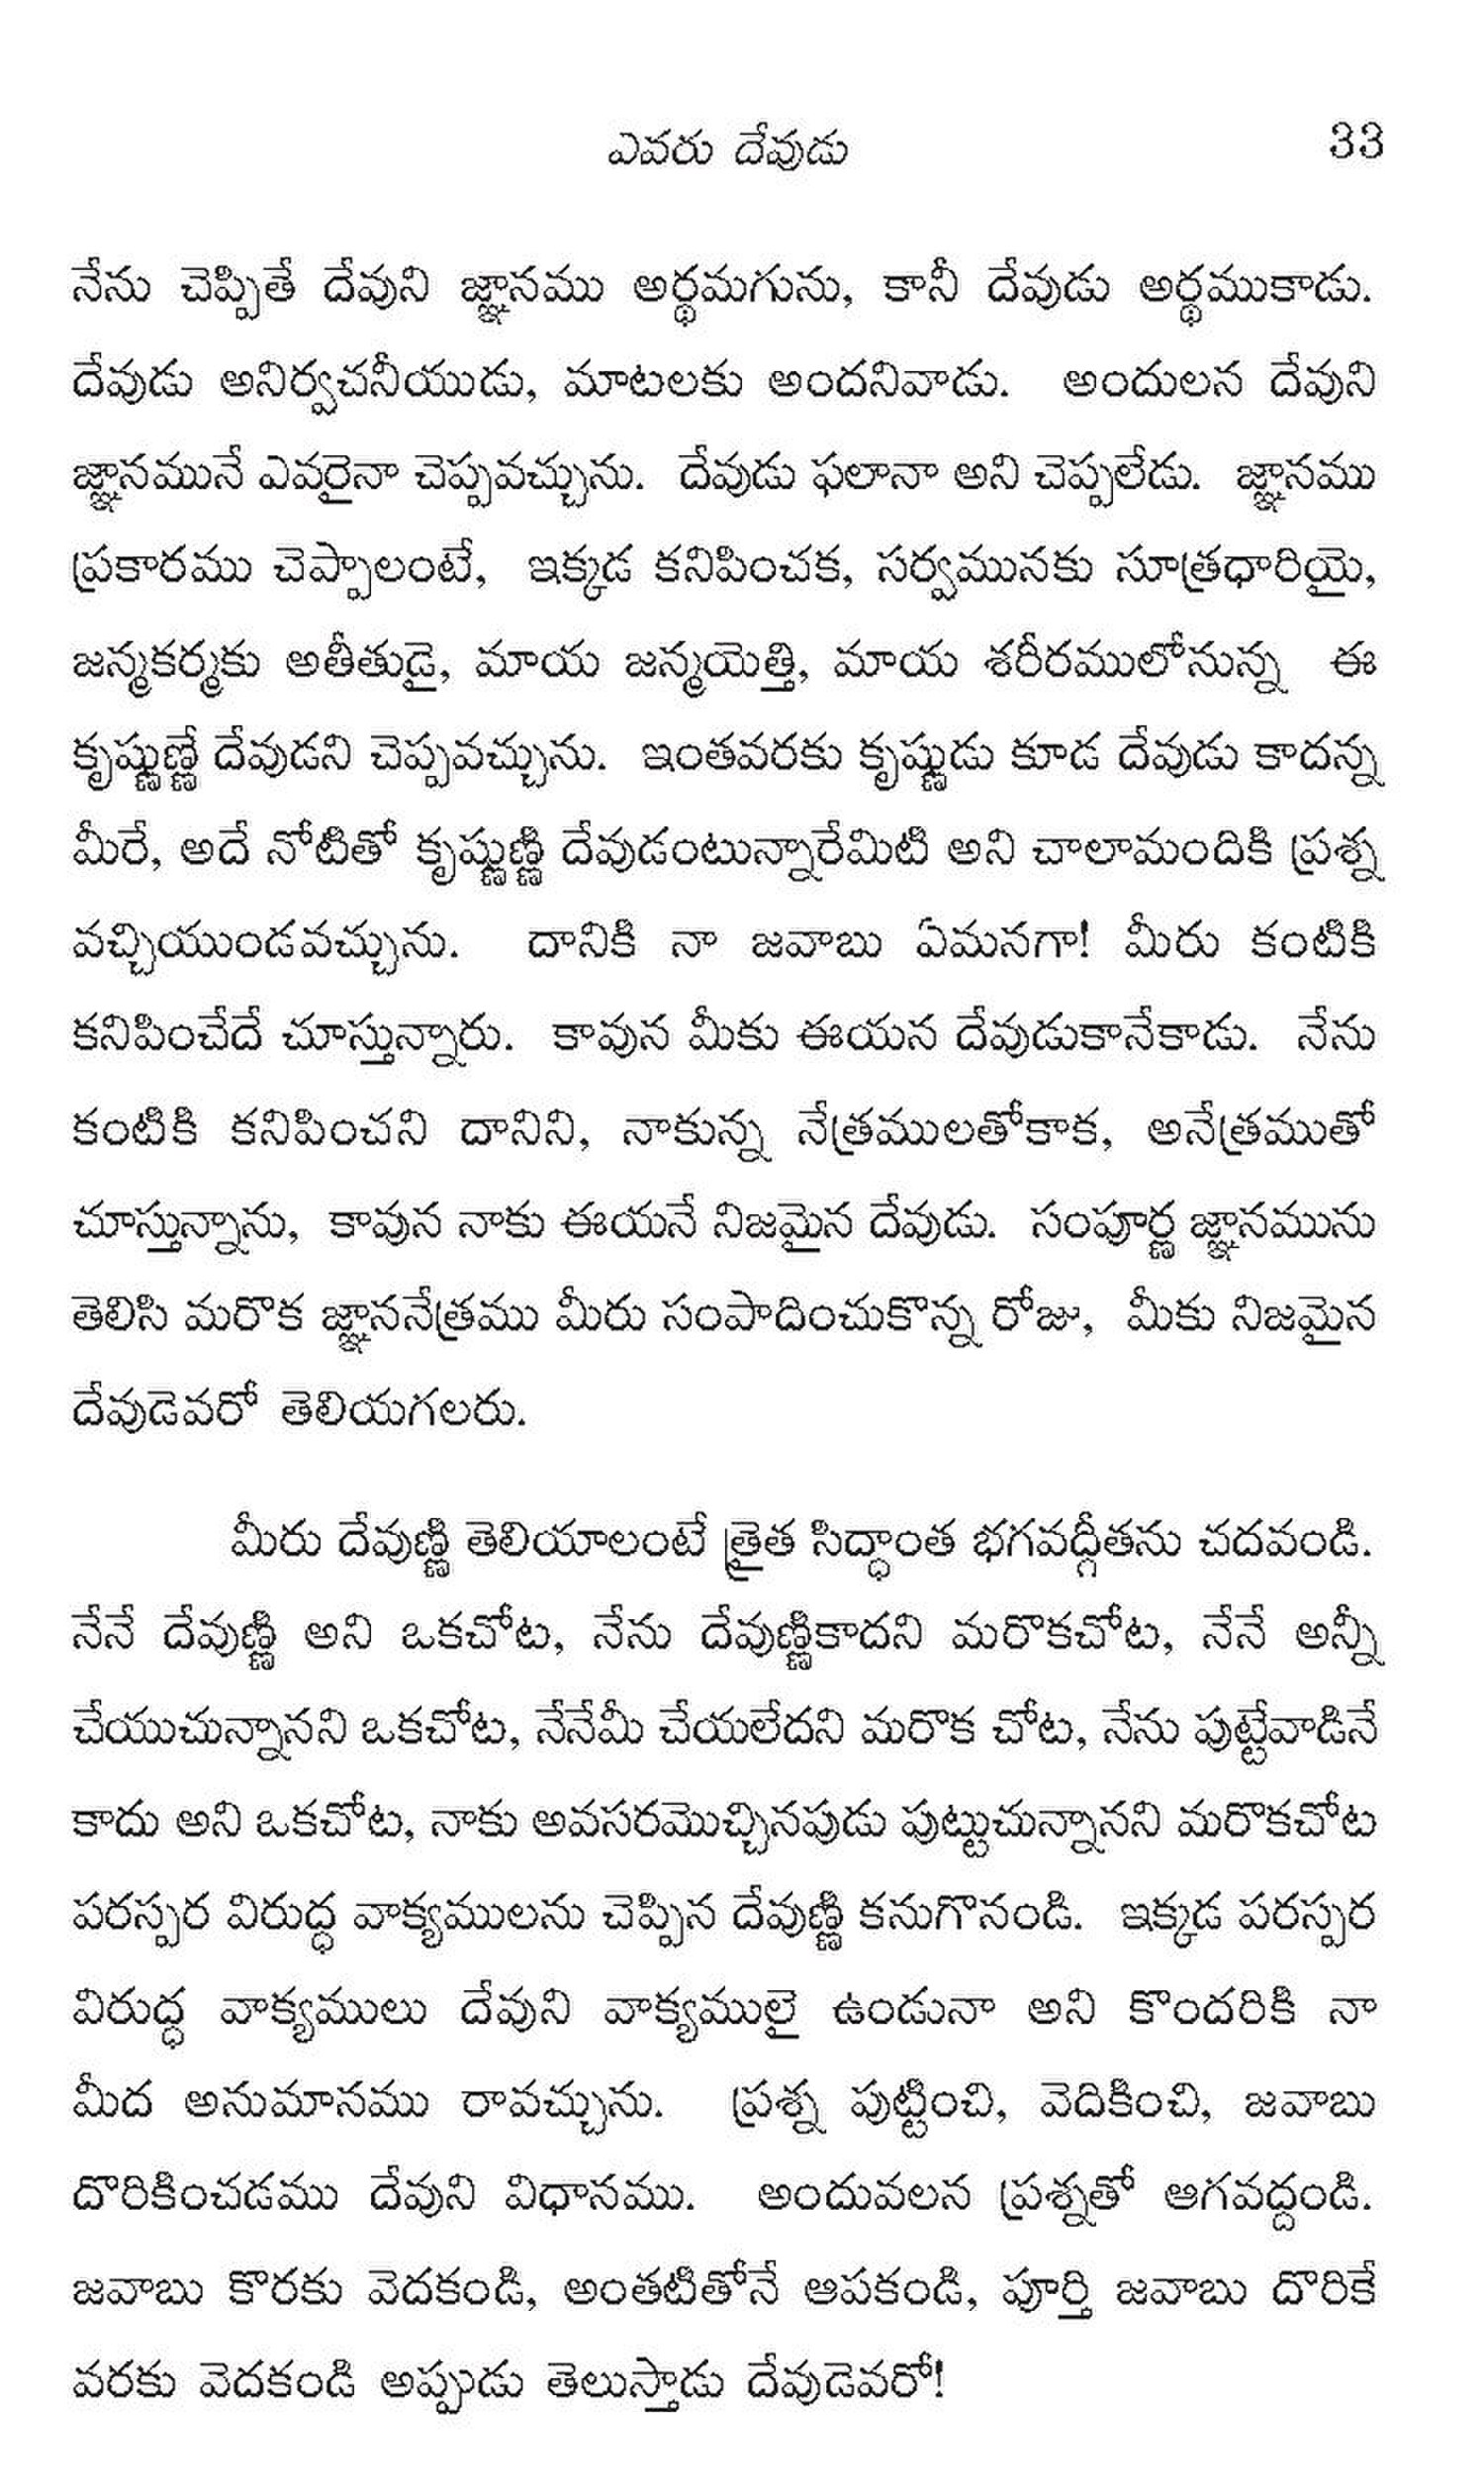నేను చెప్పితే దేవుని జ్ఞానము అర్థమగును, కానీ దేవుడు అర్థముకాడు. దేవుడు అనిర్వచనీయుడు, మాటలకు అందనివాడు. అందులన దేవుని జ్ఞానమునే ఎవరైనా చెప్పవచ్చును. దేవుడు ఫలానా అని చెప్పలేడు. జ్ఞానము ప్రకారము చెప్పాలంటే, ఇక్కడ కనిపించక, సర్వమునకు సూత్రధారియై, జన్మకర్మకు అతీతుడై, మాయ జన్మయెత్తి, మాయ శరీరములోనున్న ఈ కృష్ణుణ్ణే దేవుడని చెప్పవచ్చును. ఇంతవరకు కృష్ణుడు కూడ దేవుడు కాదన్న మీరే, అదే నోటితో కృష్ణుణ్ణి దేవుడంటున్నారేమిటి అని చాలామందికి ప్రశ్న వచ్చియుండవచ్చును. దానికి నా జవాబు ఏమనగా! మీరు కంటికి కనిపించేదే చూస్తున్నారు. కావున మీకు ఈయన దేవుడుకానేకాడు. నేను కంటికి కనిపించని దానిని, నాకున్న నేత్రములతోకాక, అనేత్రముతో చూస్తున్నాను, కావున నాకు ఈయనే నిజమైన దేవుడు. సంపూర్ణ జ్ఞానమును తెలిసి మరొక జ్ఞాననేత్రము మీరు సంపాదించుకొన్న రోజు, మీకు నిజమైన దేవుడెవరో తెలియగలరు.

మీరు దేవుణ్ణి తెలియాలంటే త్రైత సిద్ధాంత భగవద్గీతను చదవండి. నేనే దేవుణ్ణి అని ఒకచోట, నేను దేవుణ్ణికాదని మరొకచోట, నేనే అన్నీ చేయుచున్నానని ఒకచోట, నేనేమీ చేయలేదని మరొక చోట, నేను పుట్టేవాడినే కాదు అని ఒకచోట, నాకు అవసరమొచ్చినపుడు పుట్టుచున్నానని మరొకచోట పరస్పర విరుద్ధ వాక్యములను చెప్పిన దేవుణ్ణి కనుగొనండి. ఇక్కడ పరస్పర విరుద్ధ వాక్యములు దేవుని వాక్యములై ఉండునా అని కొందరికి నా మీద అనుమానము రావచ్చును. ప్రశ్న పుట్టించి, వెదికించి, జవాబు దొరికించడము దేవుని విధానము. అందువలన ప్రశ్నతో ఆగవద్దండి. జవాబు కొరకు వెదకండి, అంతటితోనే ఆపకండి, పూర్తి జవాబు దొరికే వరకు వెదకండి అప్పుడు తెలుస్తాడు దేవుడెవరో!